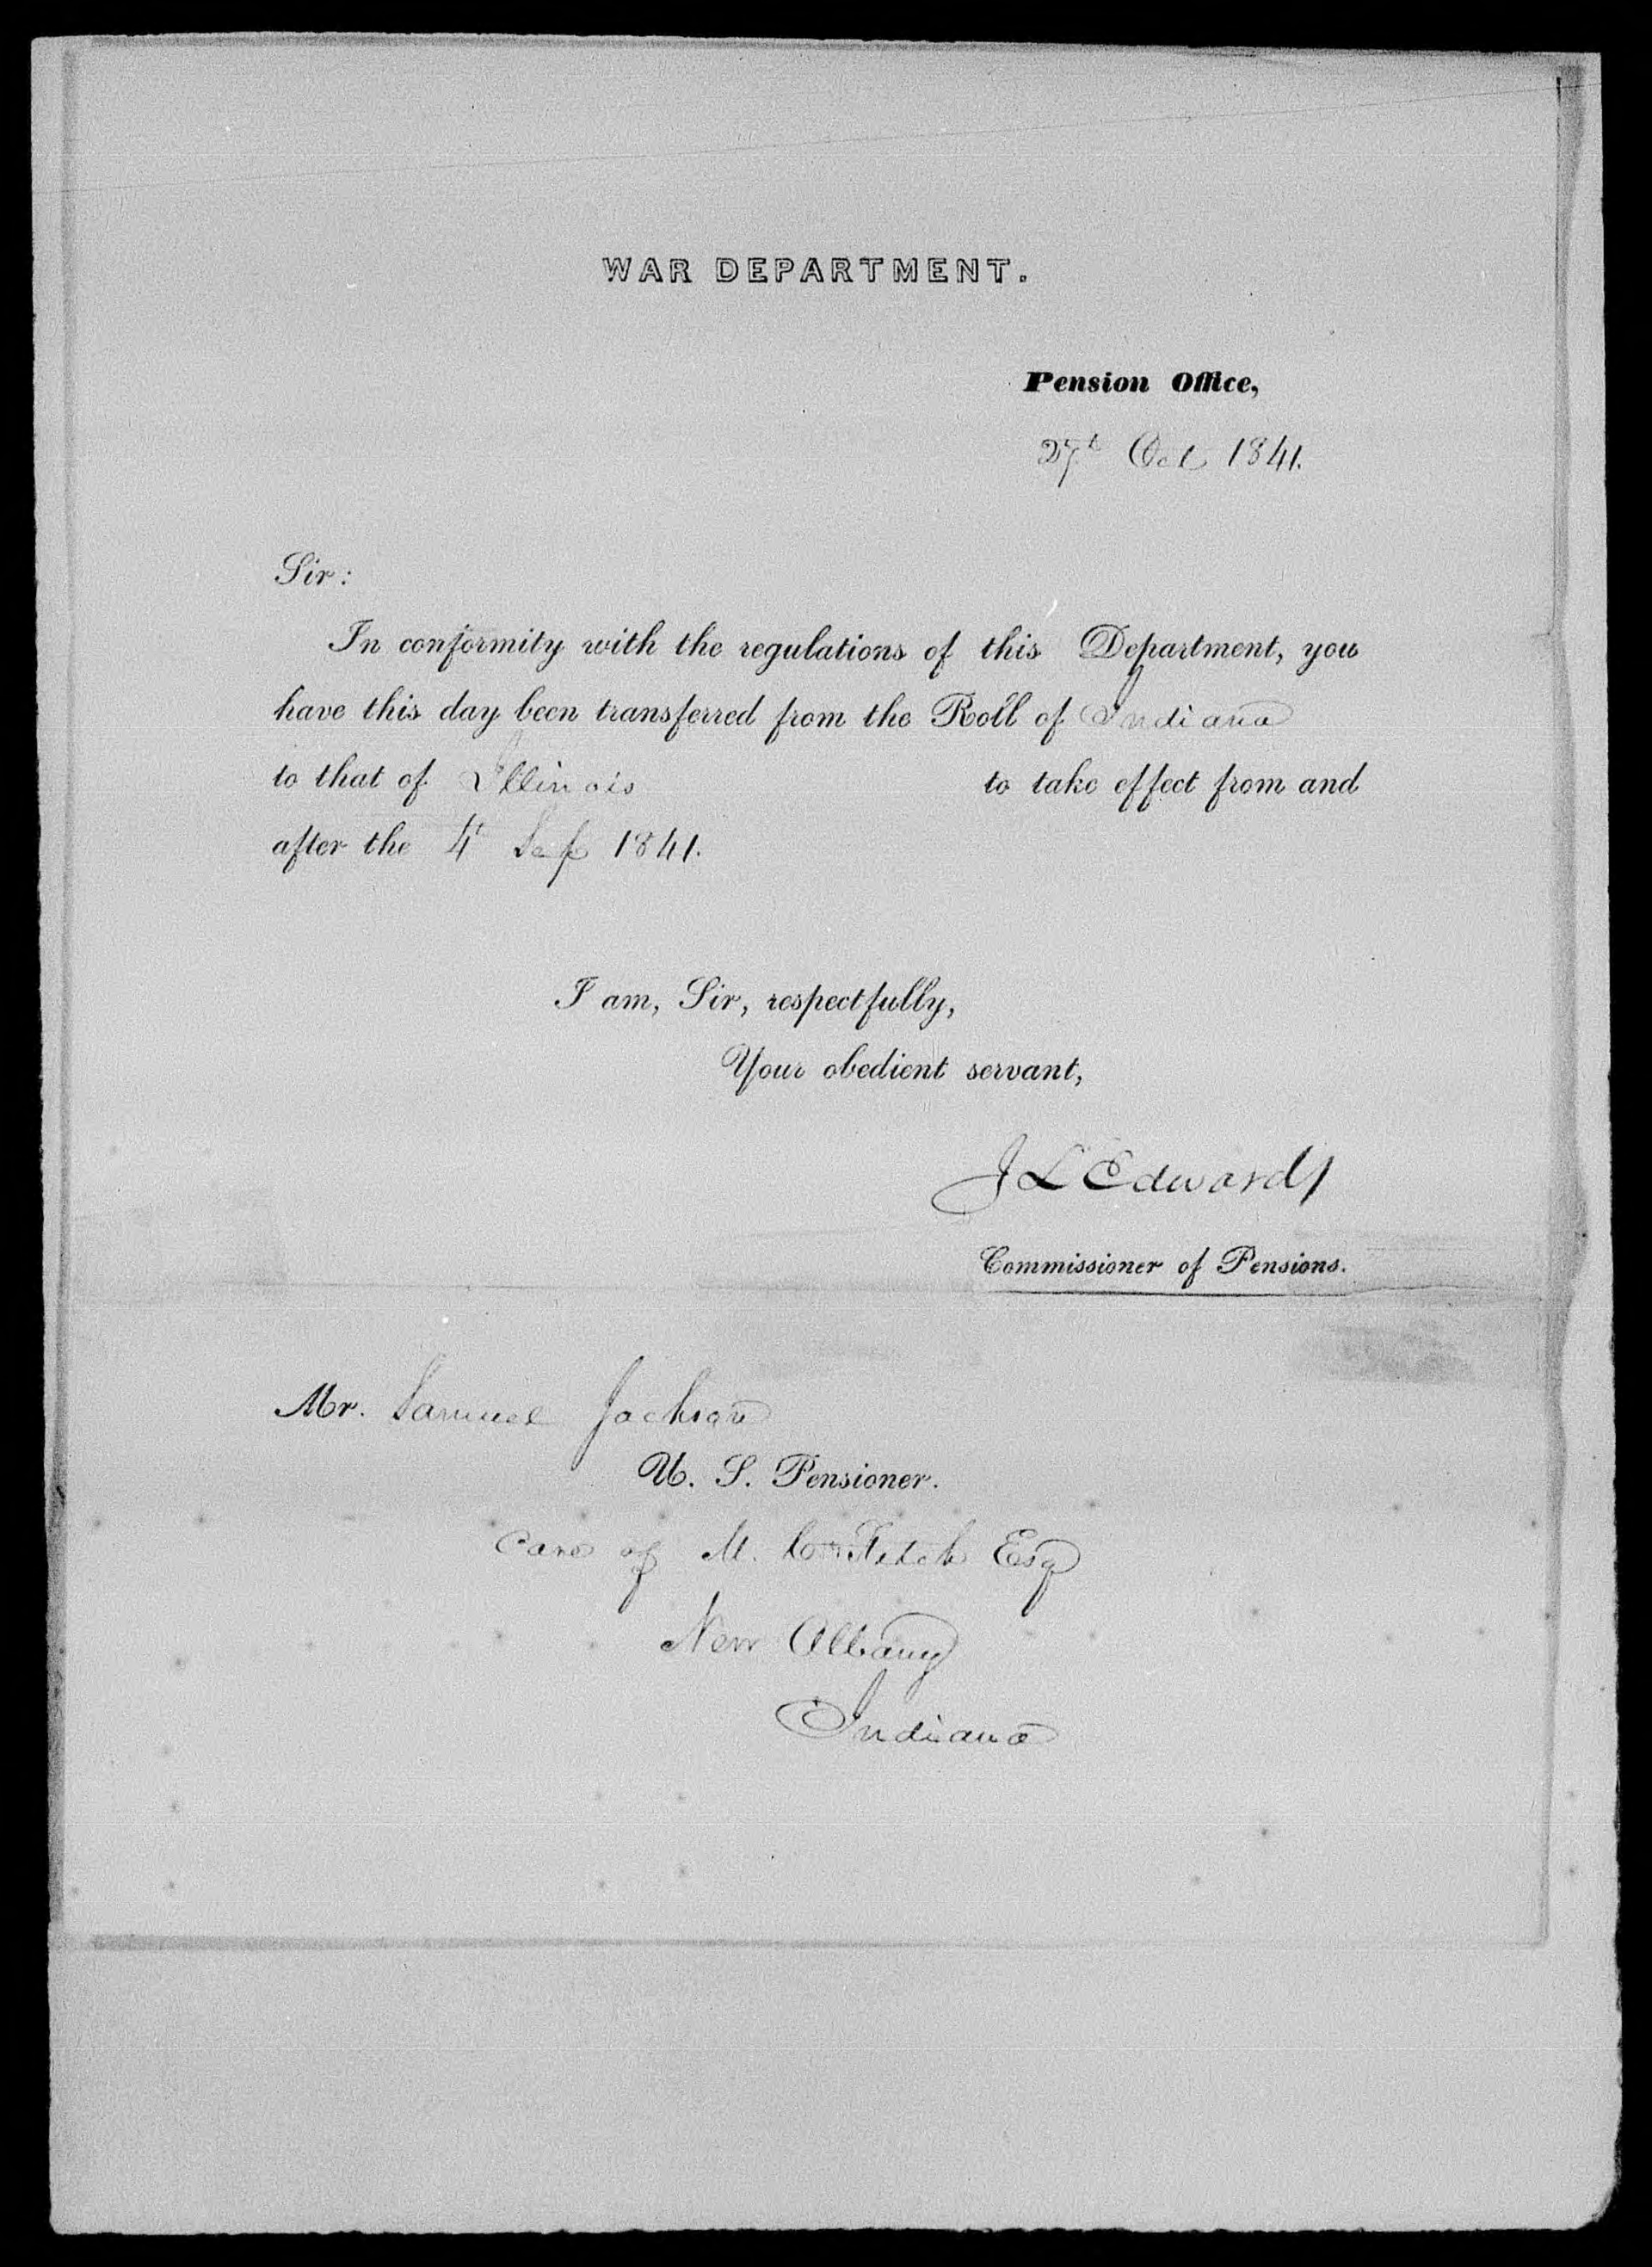WAR DEPARTMENT.

Pension Office.
29th Oct 1841

Sir:
In conformity with the regulations of this Department, you
this day been transferred from the Roll of Indiana
to that of Illinois to take effect from and
after the 4 Sep 1841.

I am, Sir, respectfully
Your obedient servant,
J L Edwards
Commissioner of Pensions

Mr. Samuel Jackson
U. S. Pensioner.
case of M. C. Fitch Esq
New Albany
Indiana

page: 36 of 56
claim: rejected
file: R 5529, for Samuel Jackson, Virginia